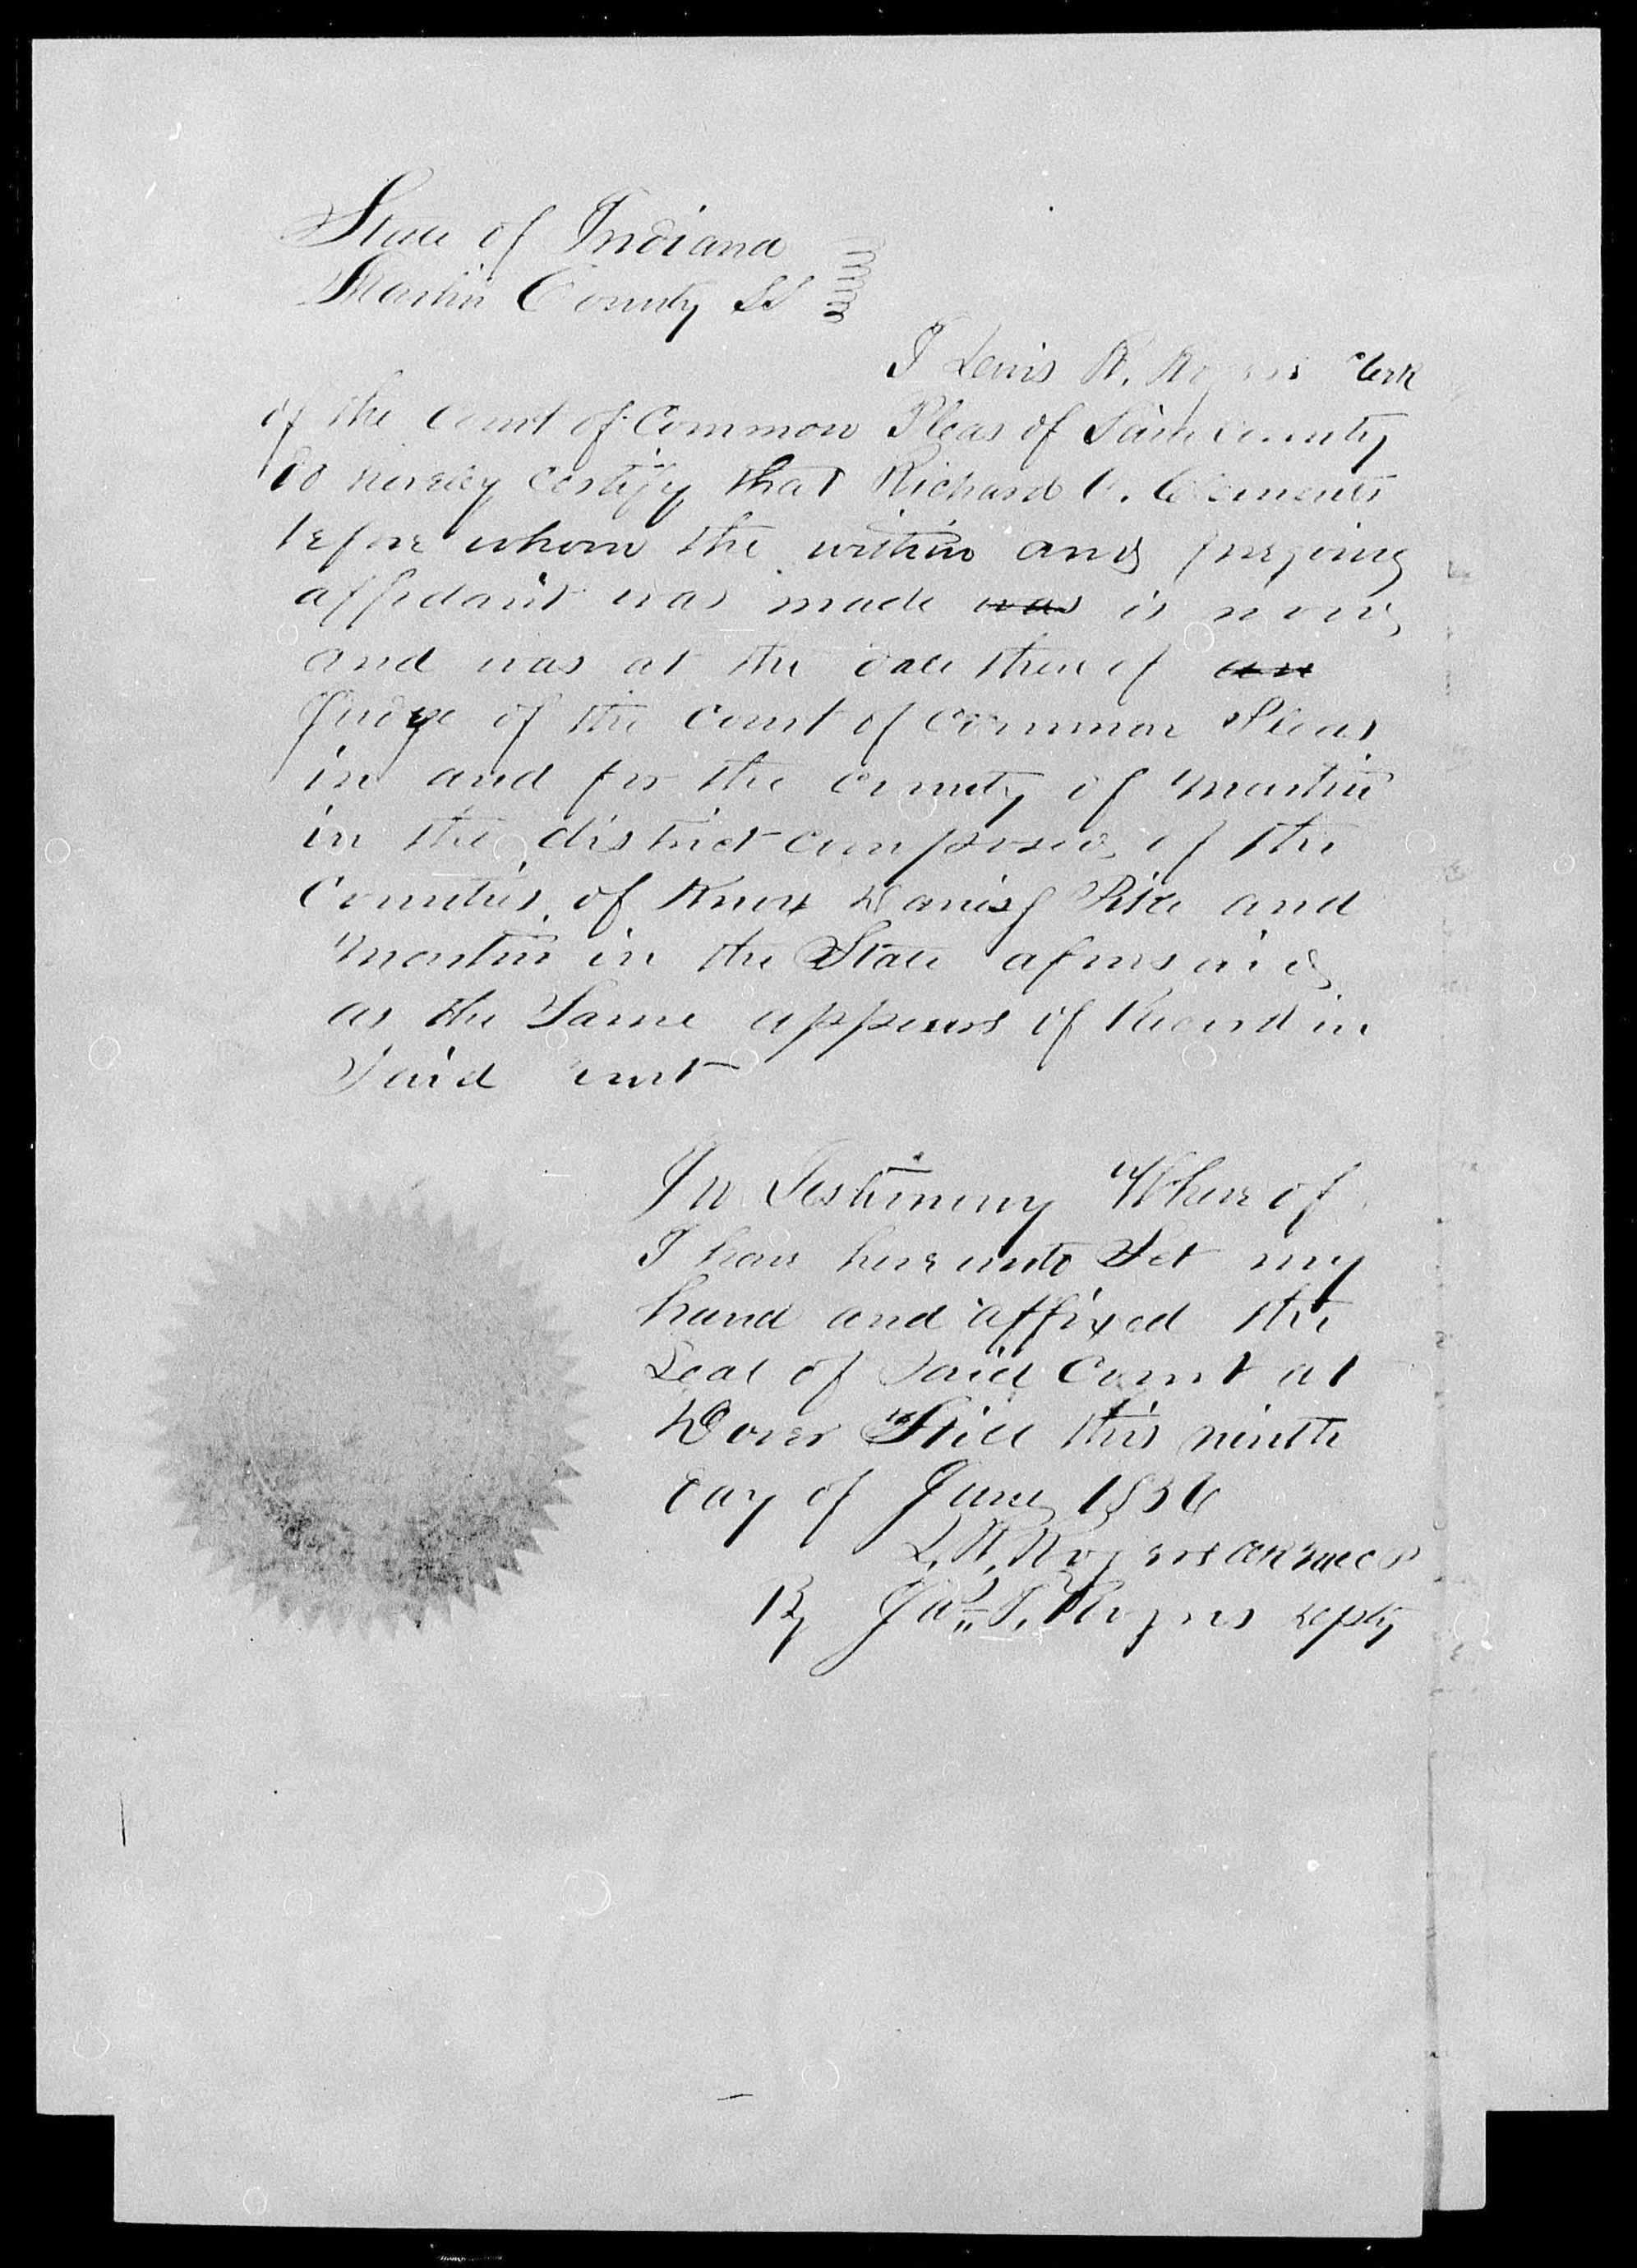State of Indiana
Martin County SS
I Lewis R. Rogers Clerk of the Court of Common Pleas of Said county do hereby certify that Richard A. Clements before whom the within and foregoing affidavit was made [crossed out: was] is now, and was at the date thereof Judge of the Court of Common Pleas in and for the County of Martin in the district composed of the Counties of Knox Daviess Pike and Martin in the State aforesaid as the same appears of Record in said court
In Testimony Whereof I have hereunto set my hand and affixed the Seal of said Court at Dover Hill this ninth day of June 1836
L. R. Rogers [illegible]
By Jas. P. Rogers depty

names: Lewis R Rogers; Jas P Rogers; Richard W Clements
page: 91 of 115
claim: survivor's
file: S. 699, for Charles Kilgore, Virginia